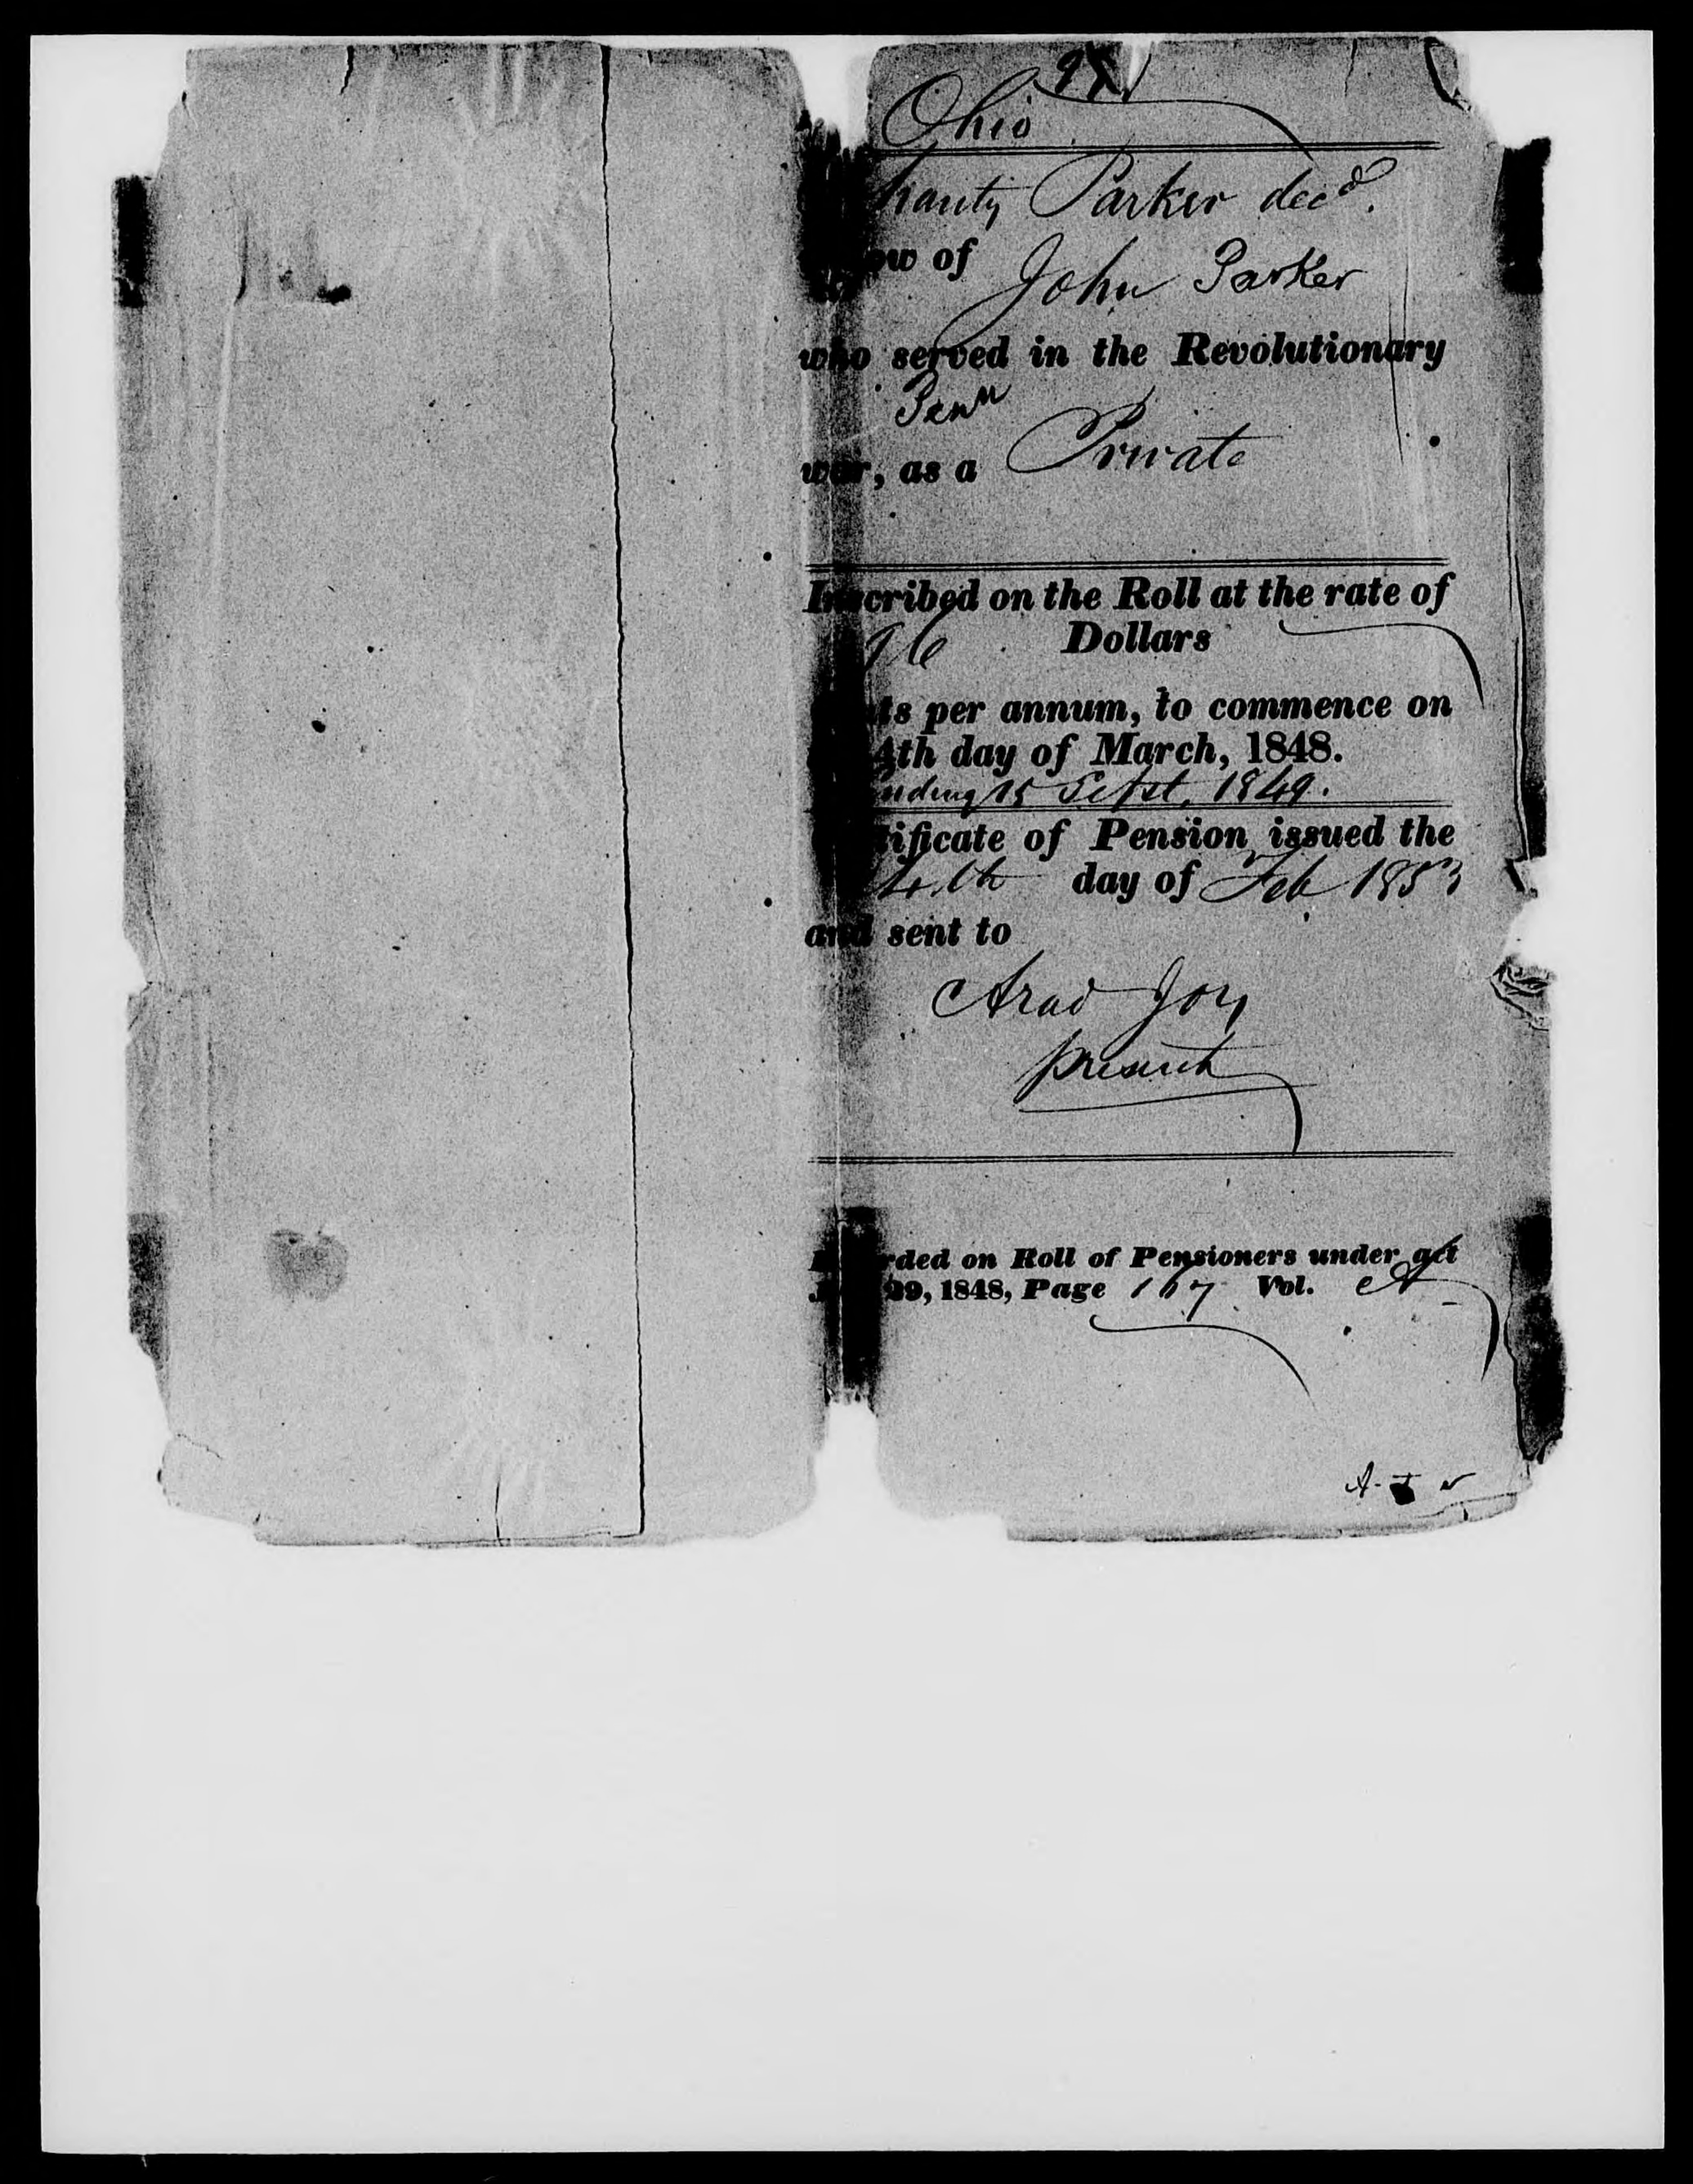Ohio
Charity Parker widow of John Parker decd. who served in the Revolutionary war, as a Private. [The word Penn. added in between the lines.]

Inscribed on the Roll at the rate of 96 Dollars [blank] cents per annum, to commence on the 4th day of March, 1848. Ending 15 Sept, 1849.

Certificate of Pension, issued the 4th day of Feb. 1853 and sent to Arady Joy present

Recorded on the Roll of Pensioners under act [crossed out] [illegible] 29, 1848, Page 167, Vol. A.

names: Charity Parker; John Parker; Arad Joy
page: 3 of 40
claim: widow's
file: W. 3,588, for John Parker, Pennsylvania